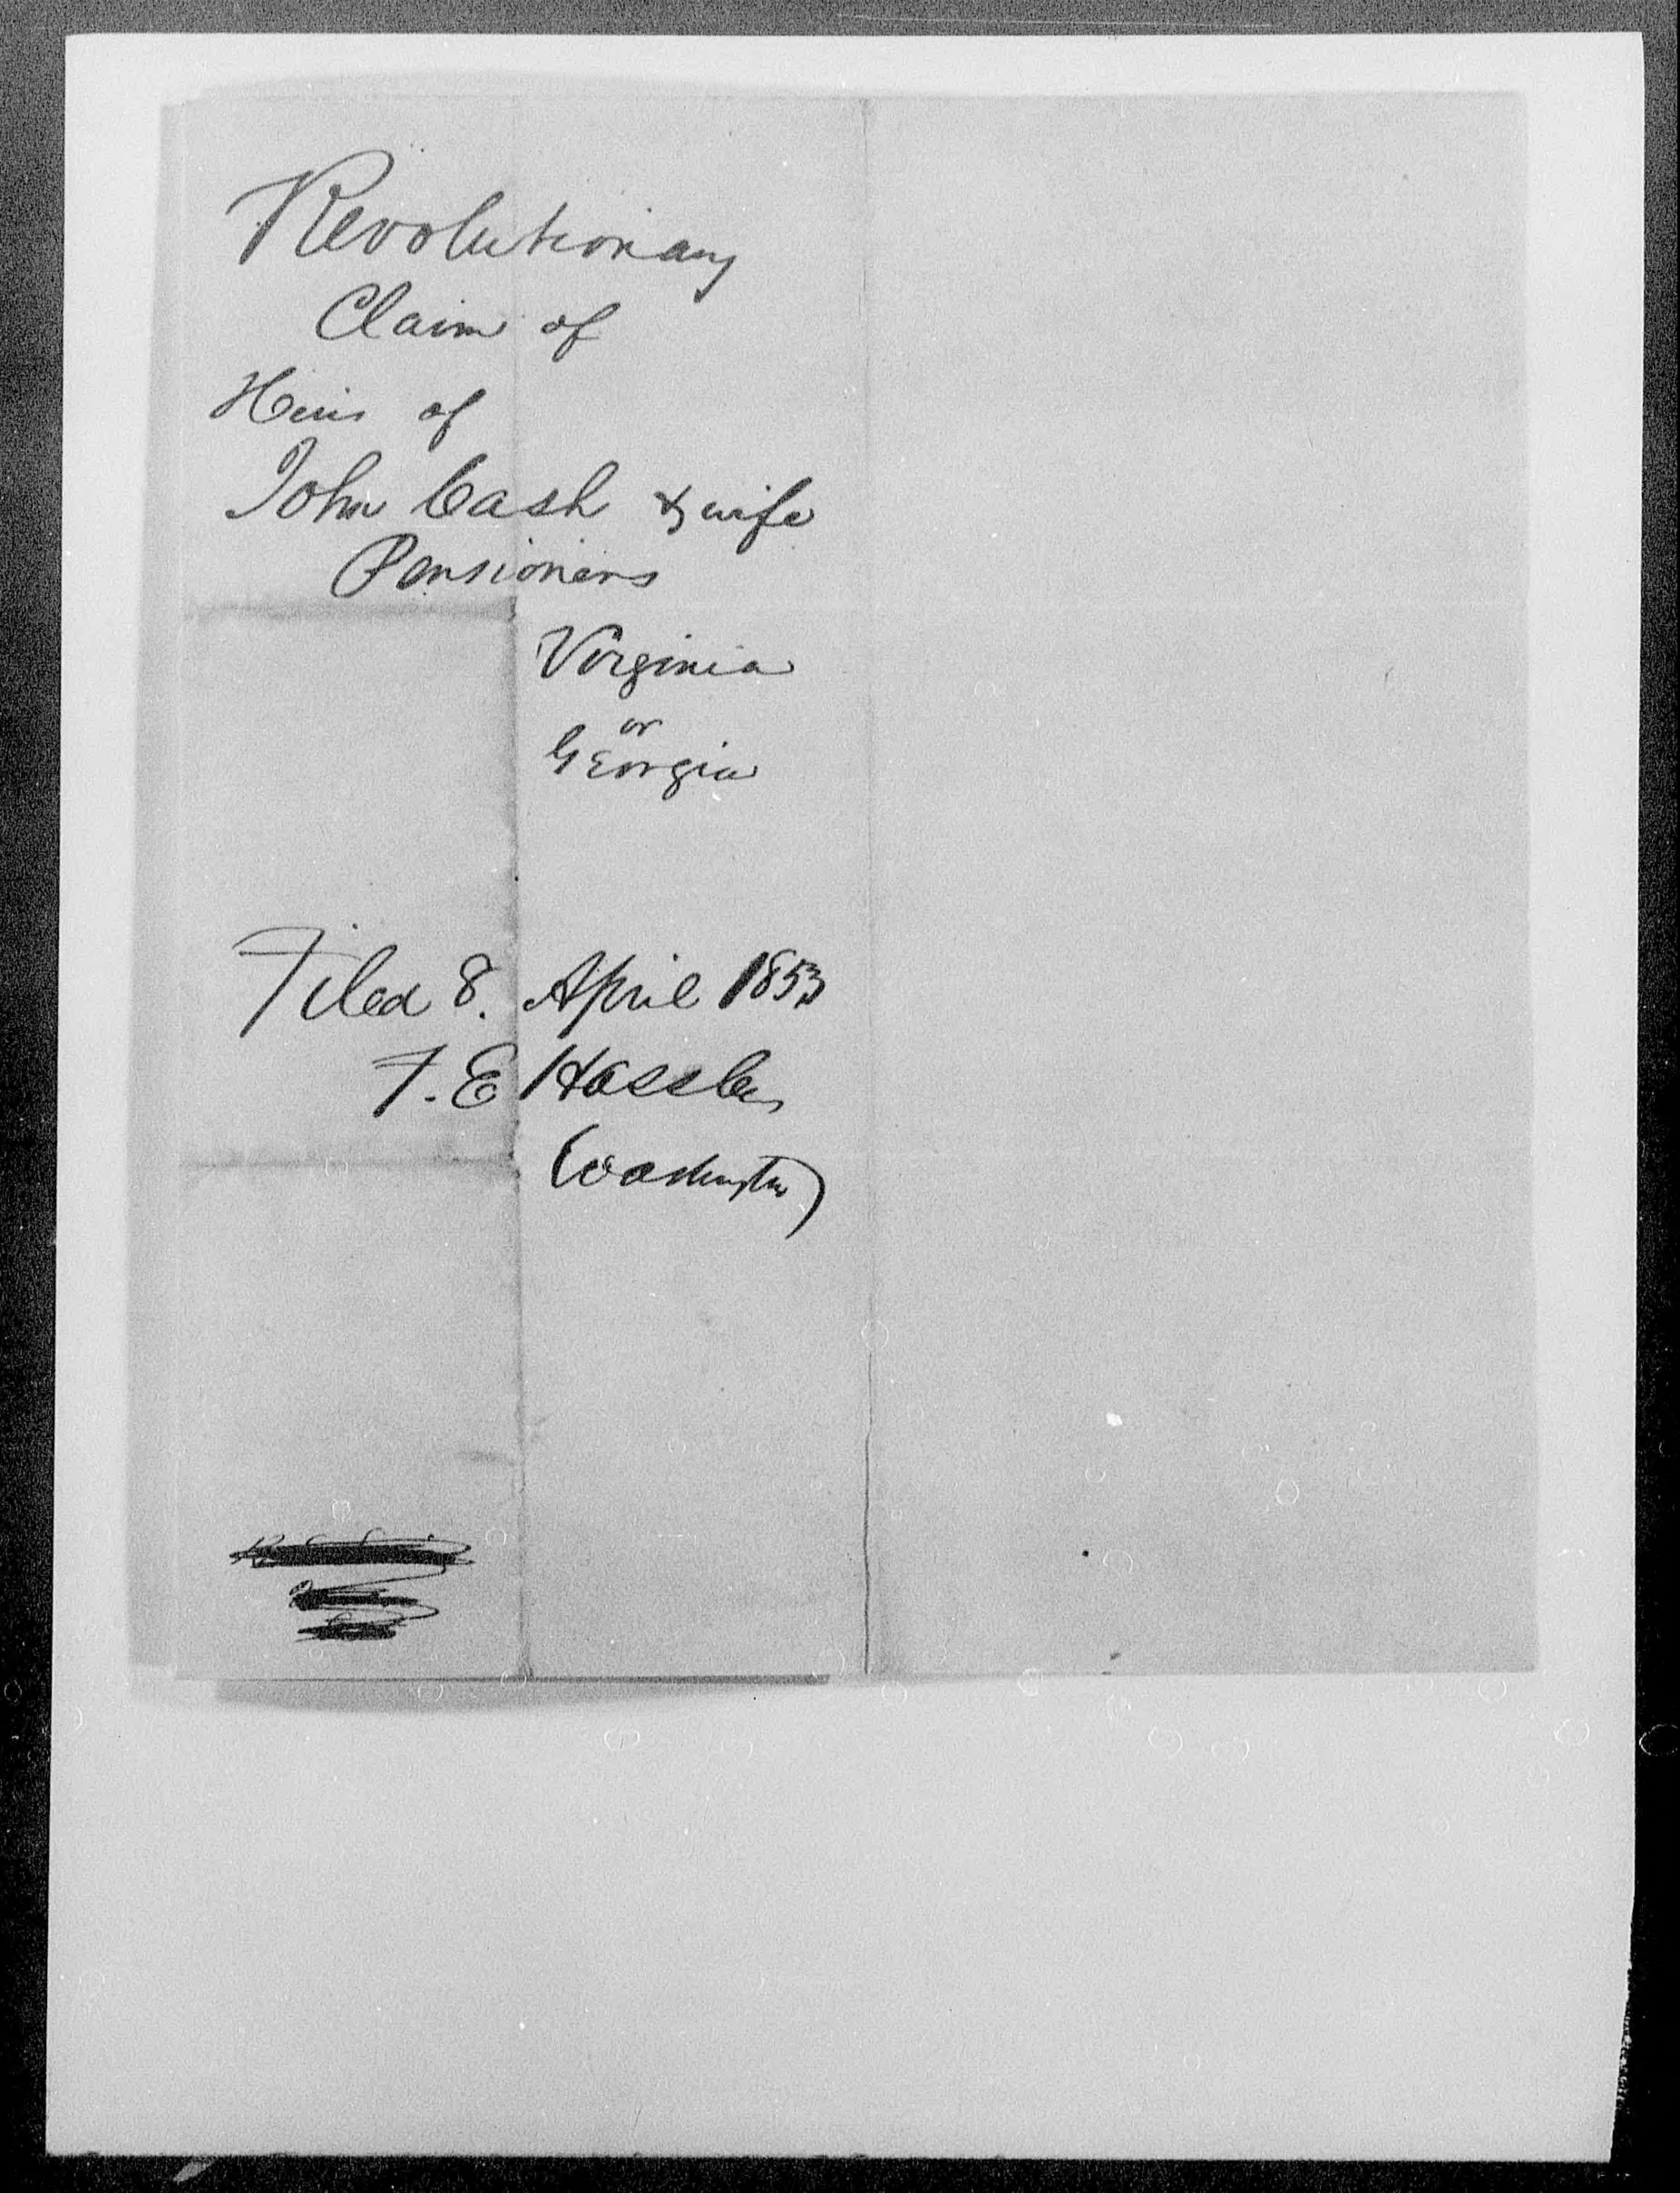Revolutionary
Claim of
Heirs of
Pensioners
John Cash & wife
Virginia and Georgia

Filed 8. April 1853
F. E. Hassle
Washington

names: F E Hassley, John Cash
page: 32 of 73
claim: widow's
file: W. 5,894, John Cash, Va.